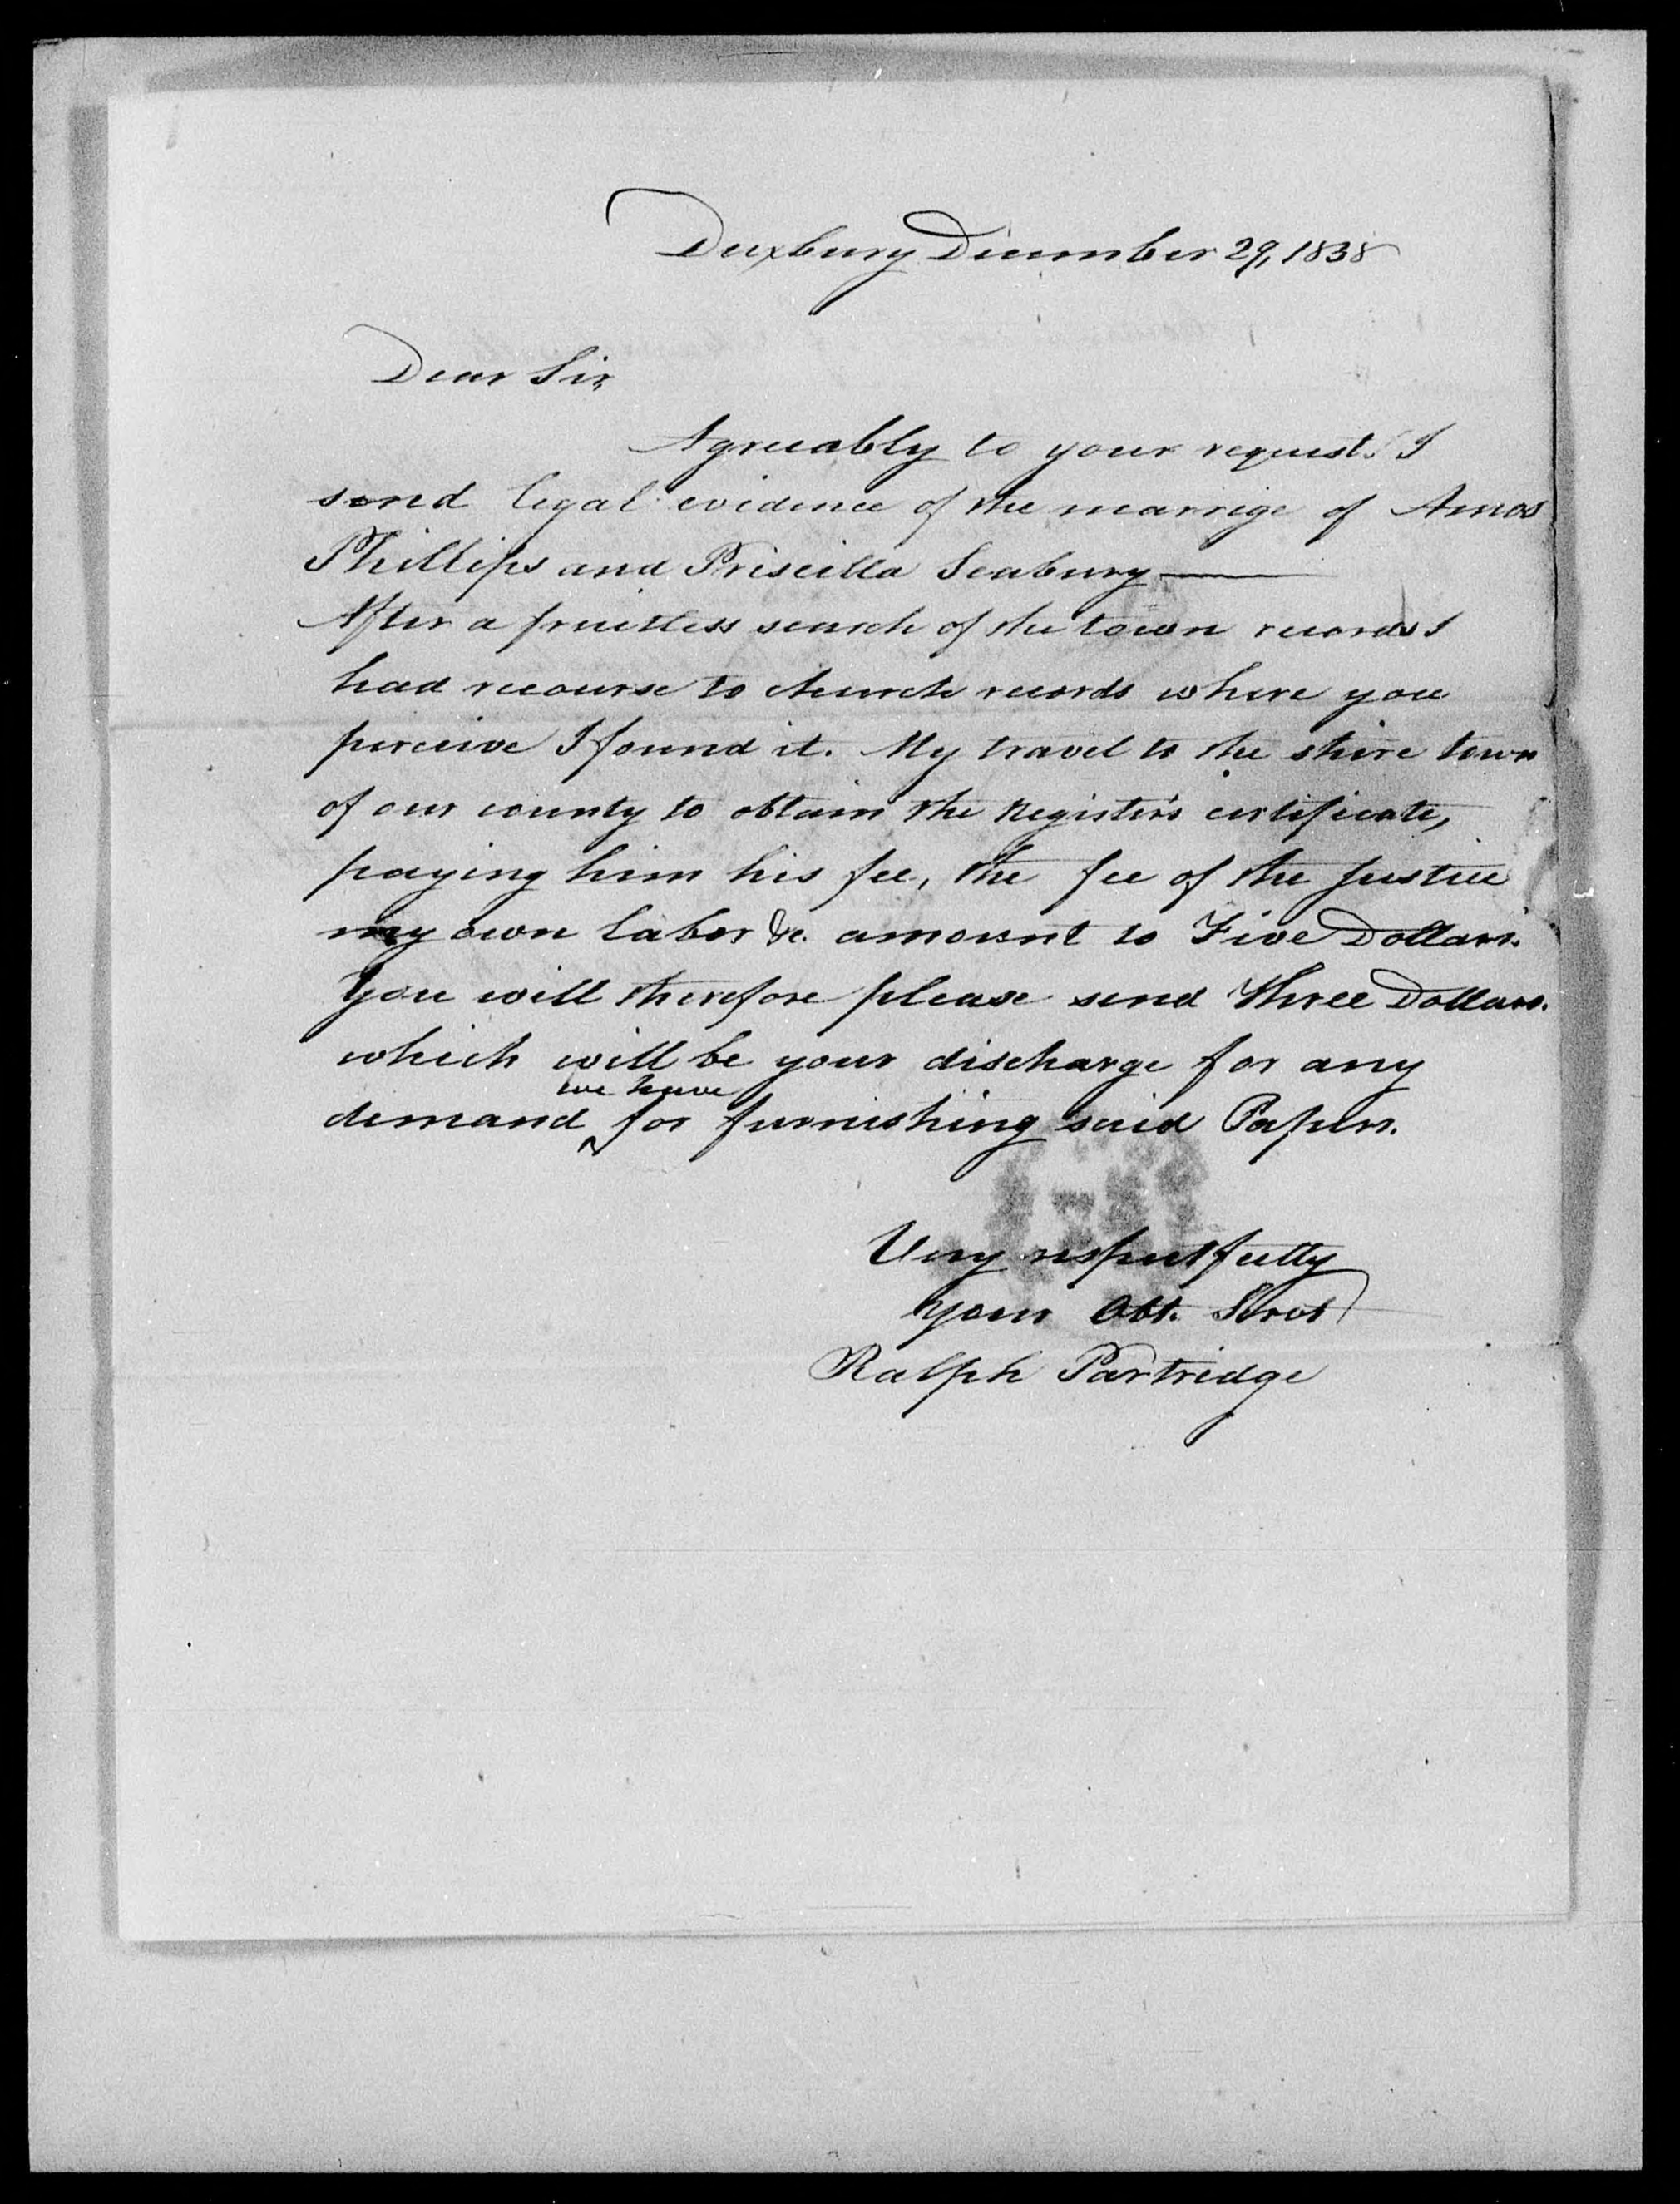Duxbury December 29 1838
Dear Sir Agreeably to your request I send legal evidence of the marrige [marriage] of Amos Phillips and Priscilla Seabury
After a fruitless search of the town records
had recourse to church records where you
perceive I found it. My travel to the shire town of
our county to obtain the Register's certificate,
paying him his fee, the fee of the Justice my own labor &c. amount to Five Dollars. You will therefore please send three Dollars.
which will be your discharge for any
demand we have for furnishing said papers
My respectfully
Your Obt. Servt
Ralph Partridge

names: Ralph Partridge; Amos Phillips; Priscilla Seabury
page: 7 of 26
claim: widow's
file: W. 26,886, for Amos Phillips, Massachusetts